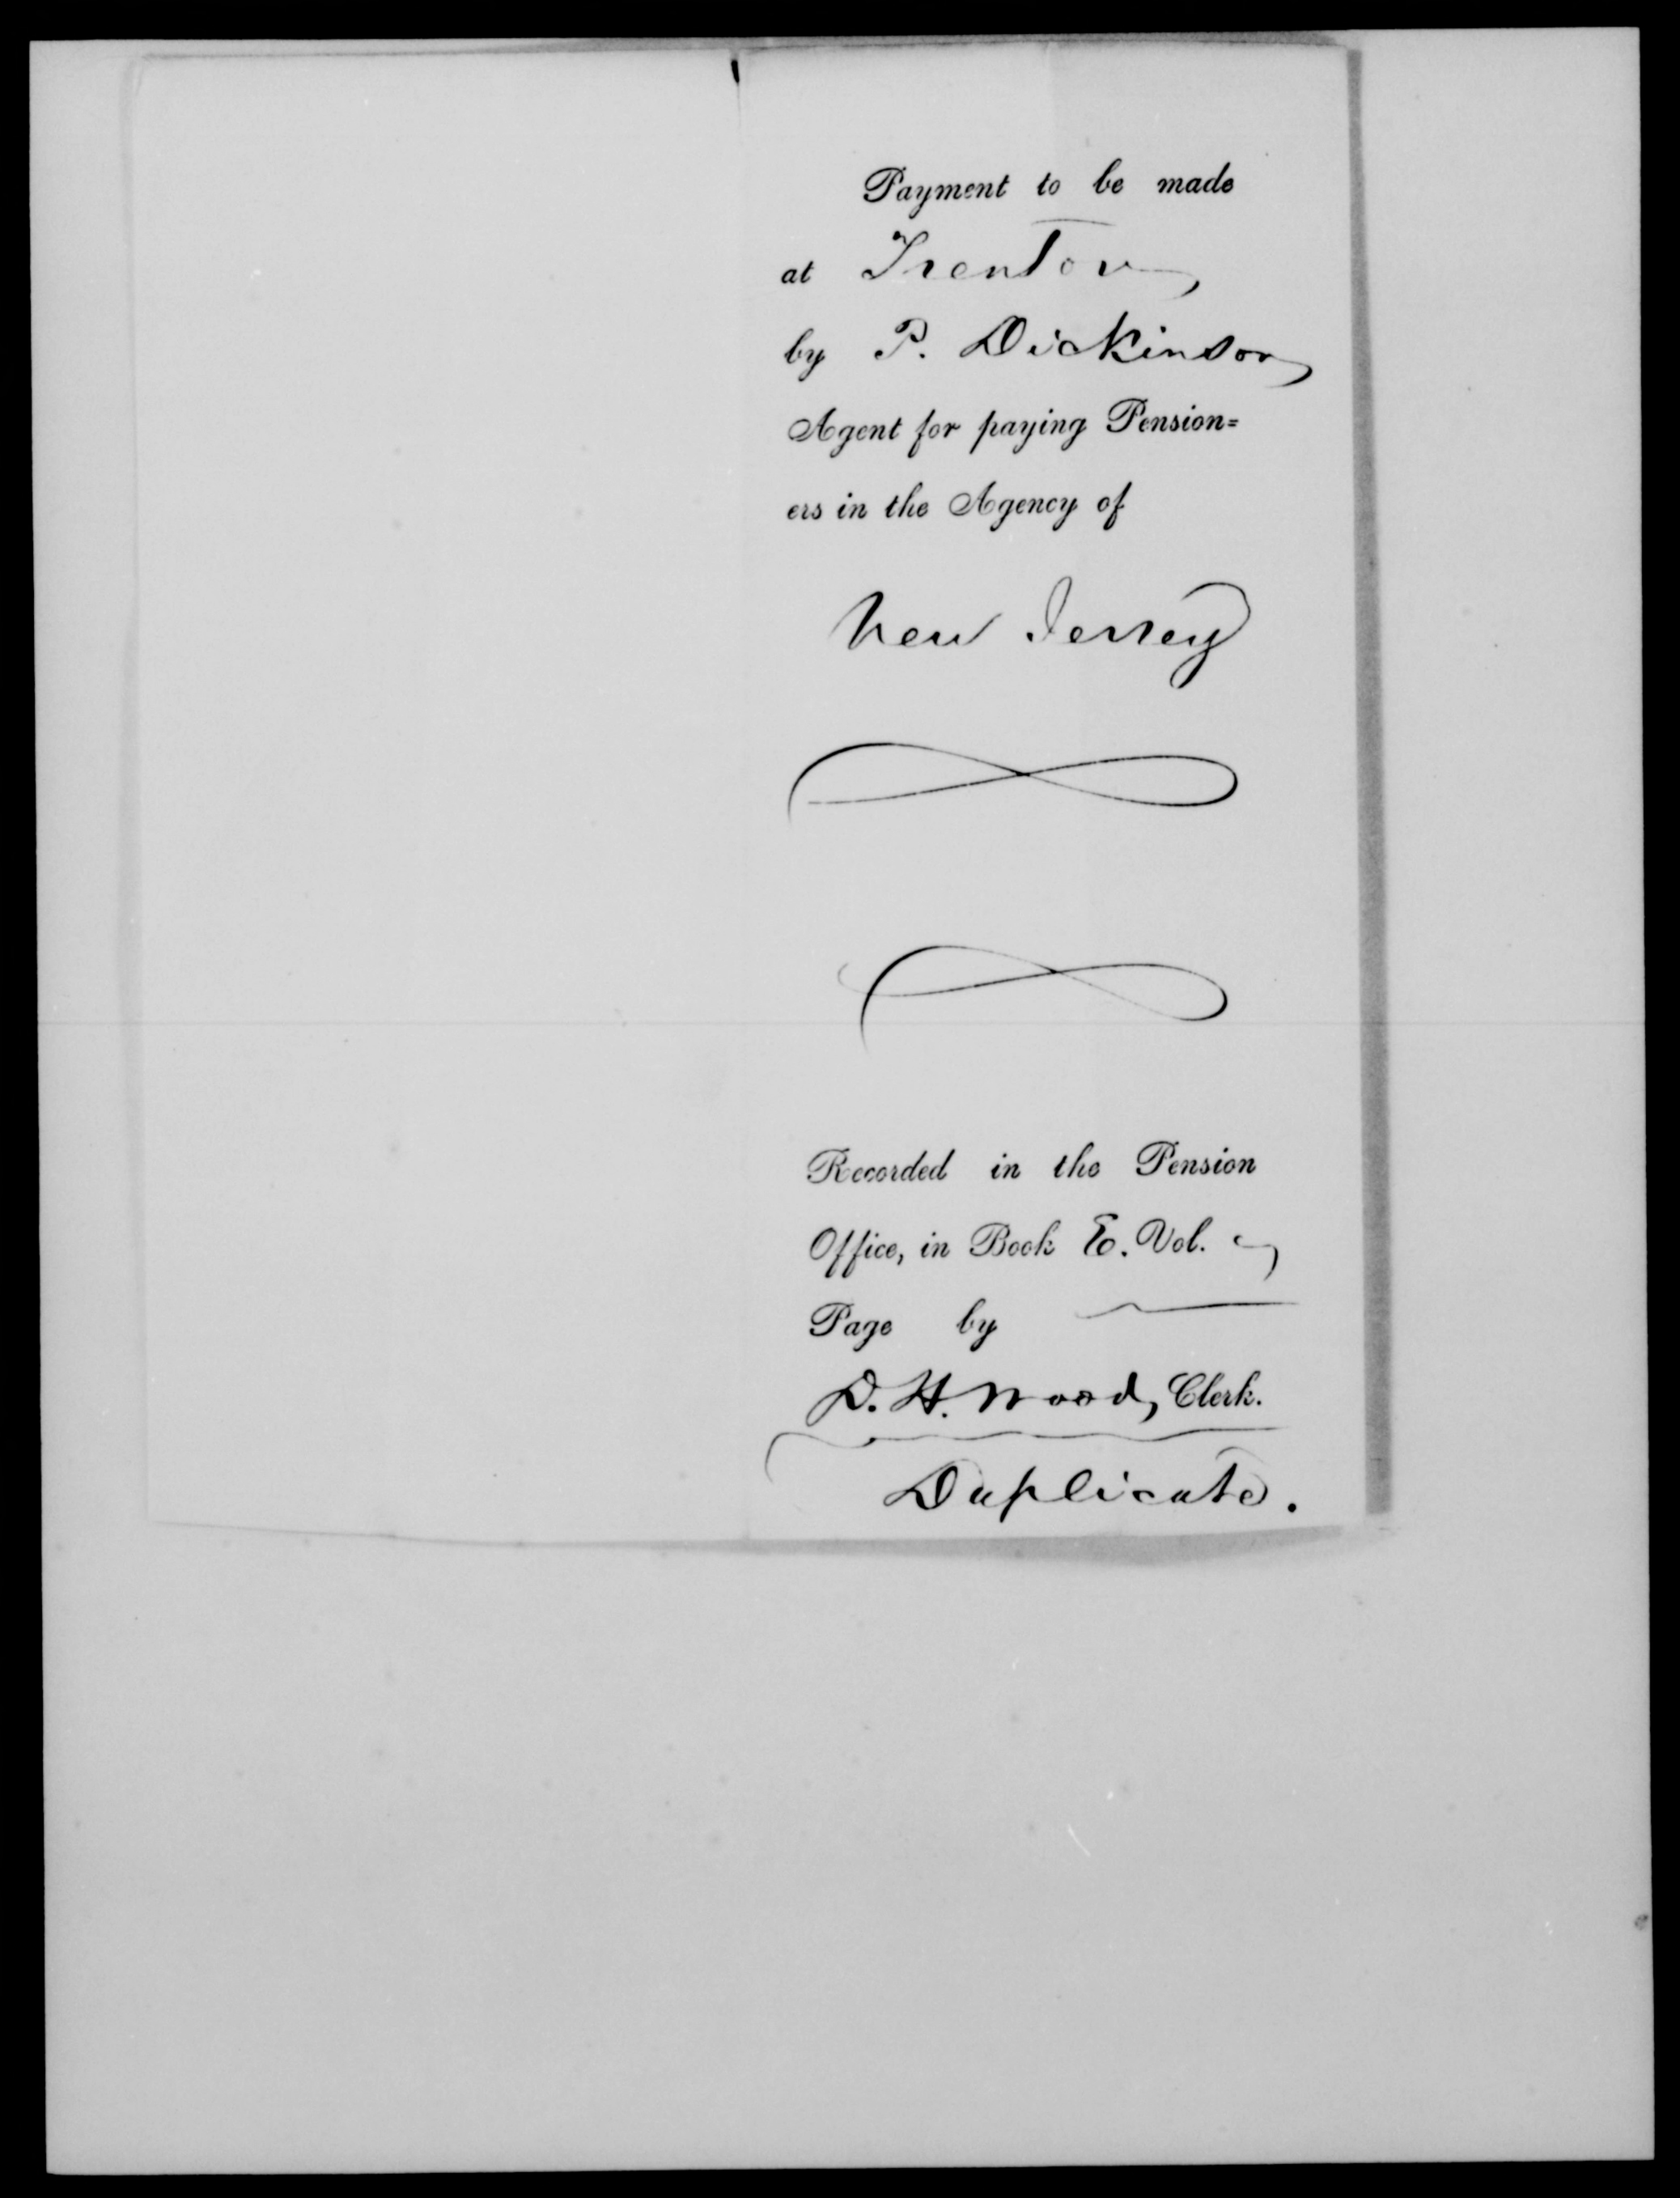Payment to be made
at Trenton
by P. Dickinson
Agent for paying Pension-
ers in the Agency of
New Jersey
Recorded in the Pension
Office, in Book E. Vol -
Page  by ---
D. H. Wood, Clerk.
Duplicate.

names: P Dickinson; D H Woods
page: 13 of 33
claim: survivor's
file: S. 4,841, for James Sickles, New Jersey